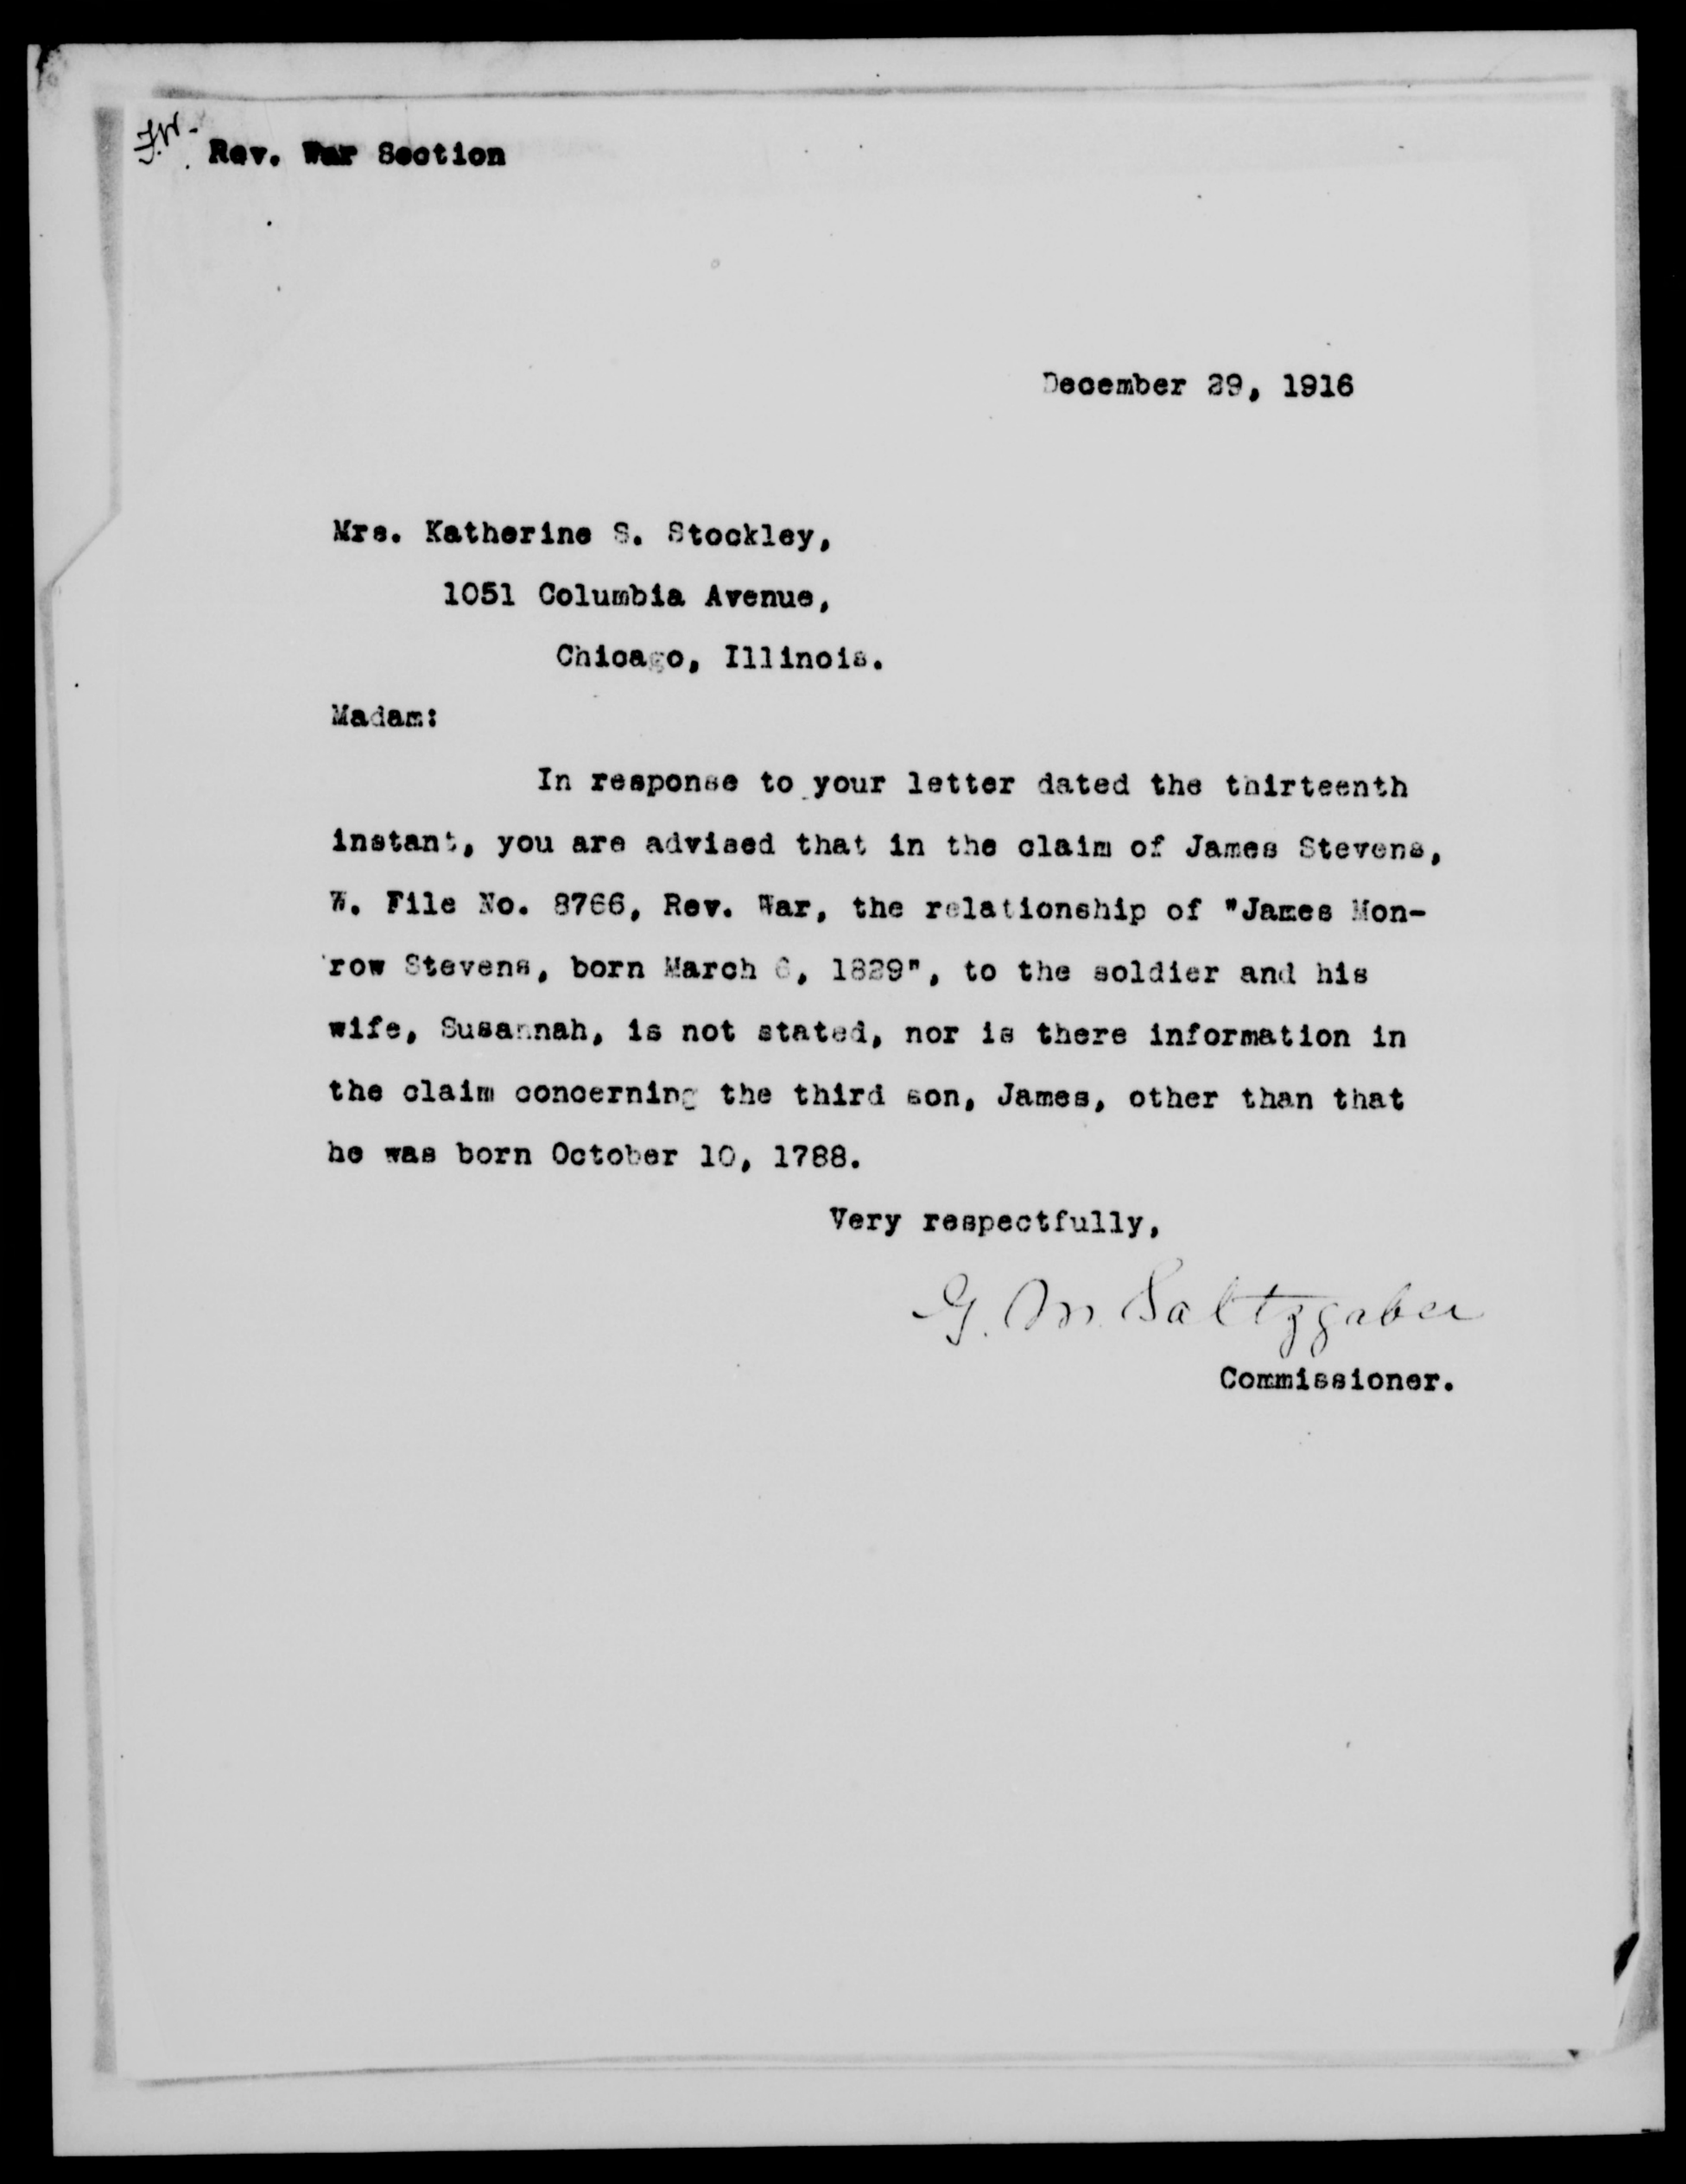Rev. War Section
December 29, 1916
Mrs. Katherine S. Stockley,
1051 Columbia Avenue,
Chicago, Illinois.
Madam:
In response to your letter dated the thirteenth
instant, you are advised that in the claim of James Stevens, W. File No. 8766, Rev. War, the relationship of "James Monrow Stevens, born March 6, 1829", to the soldier and his
wife, Susannah, is not stated, nor is there information in the claim concerning the third son, James, other than that he was born October 10, 1788.
Very respectfully,
G. M. Saltzgaber
Commissioner.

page: 31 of 99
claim: widow's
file: W 8766, for James Stevens, Virginia